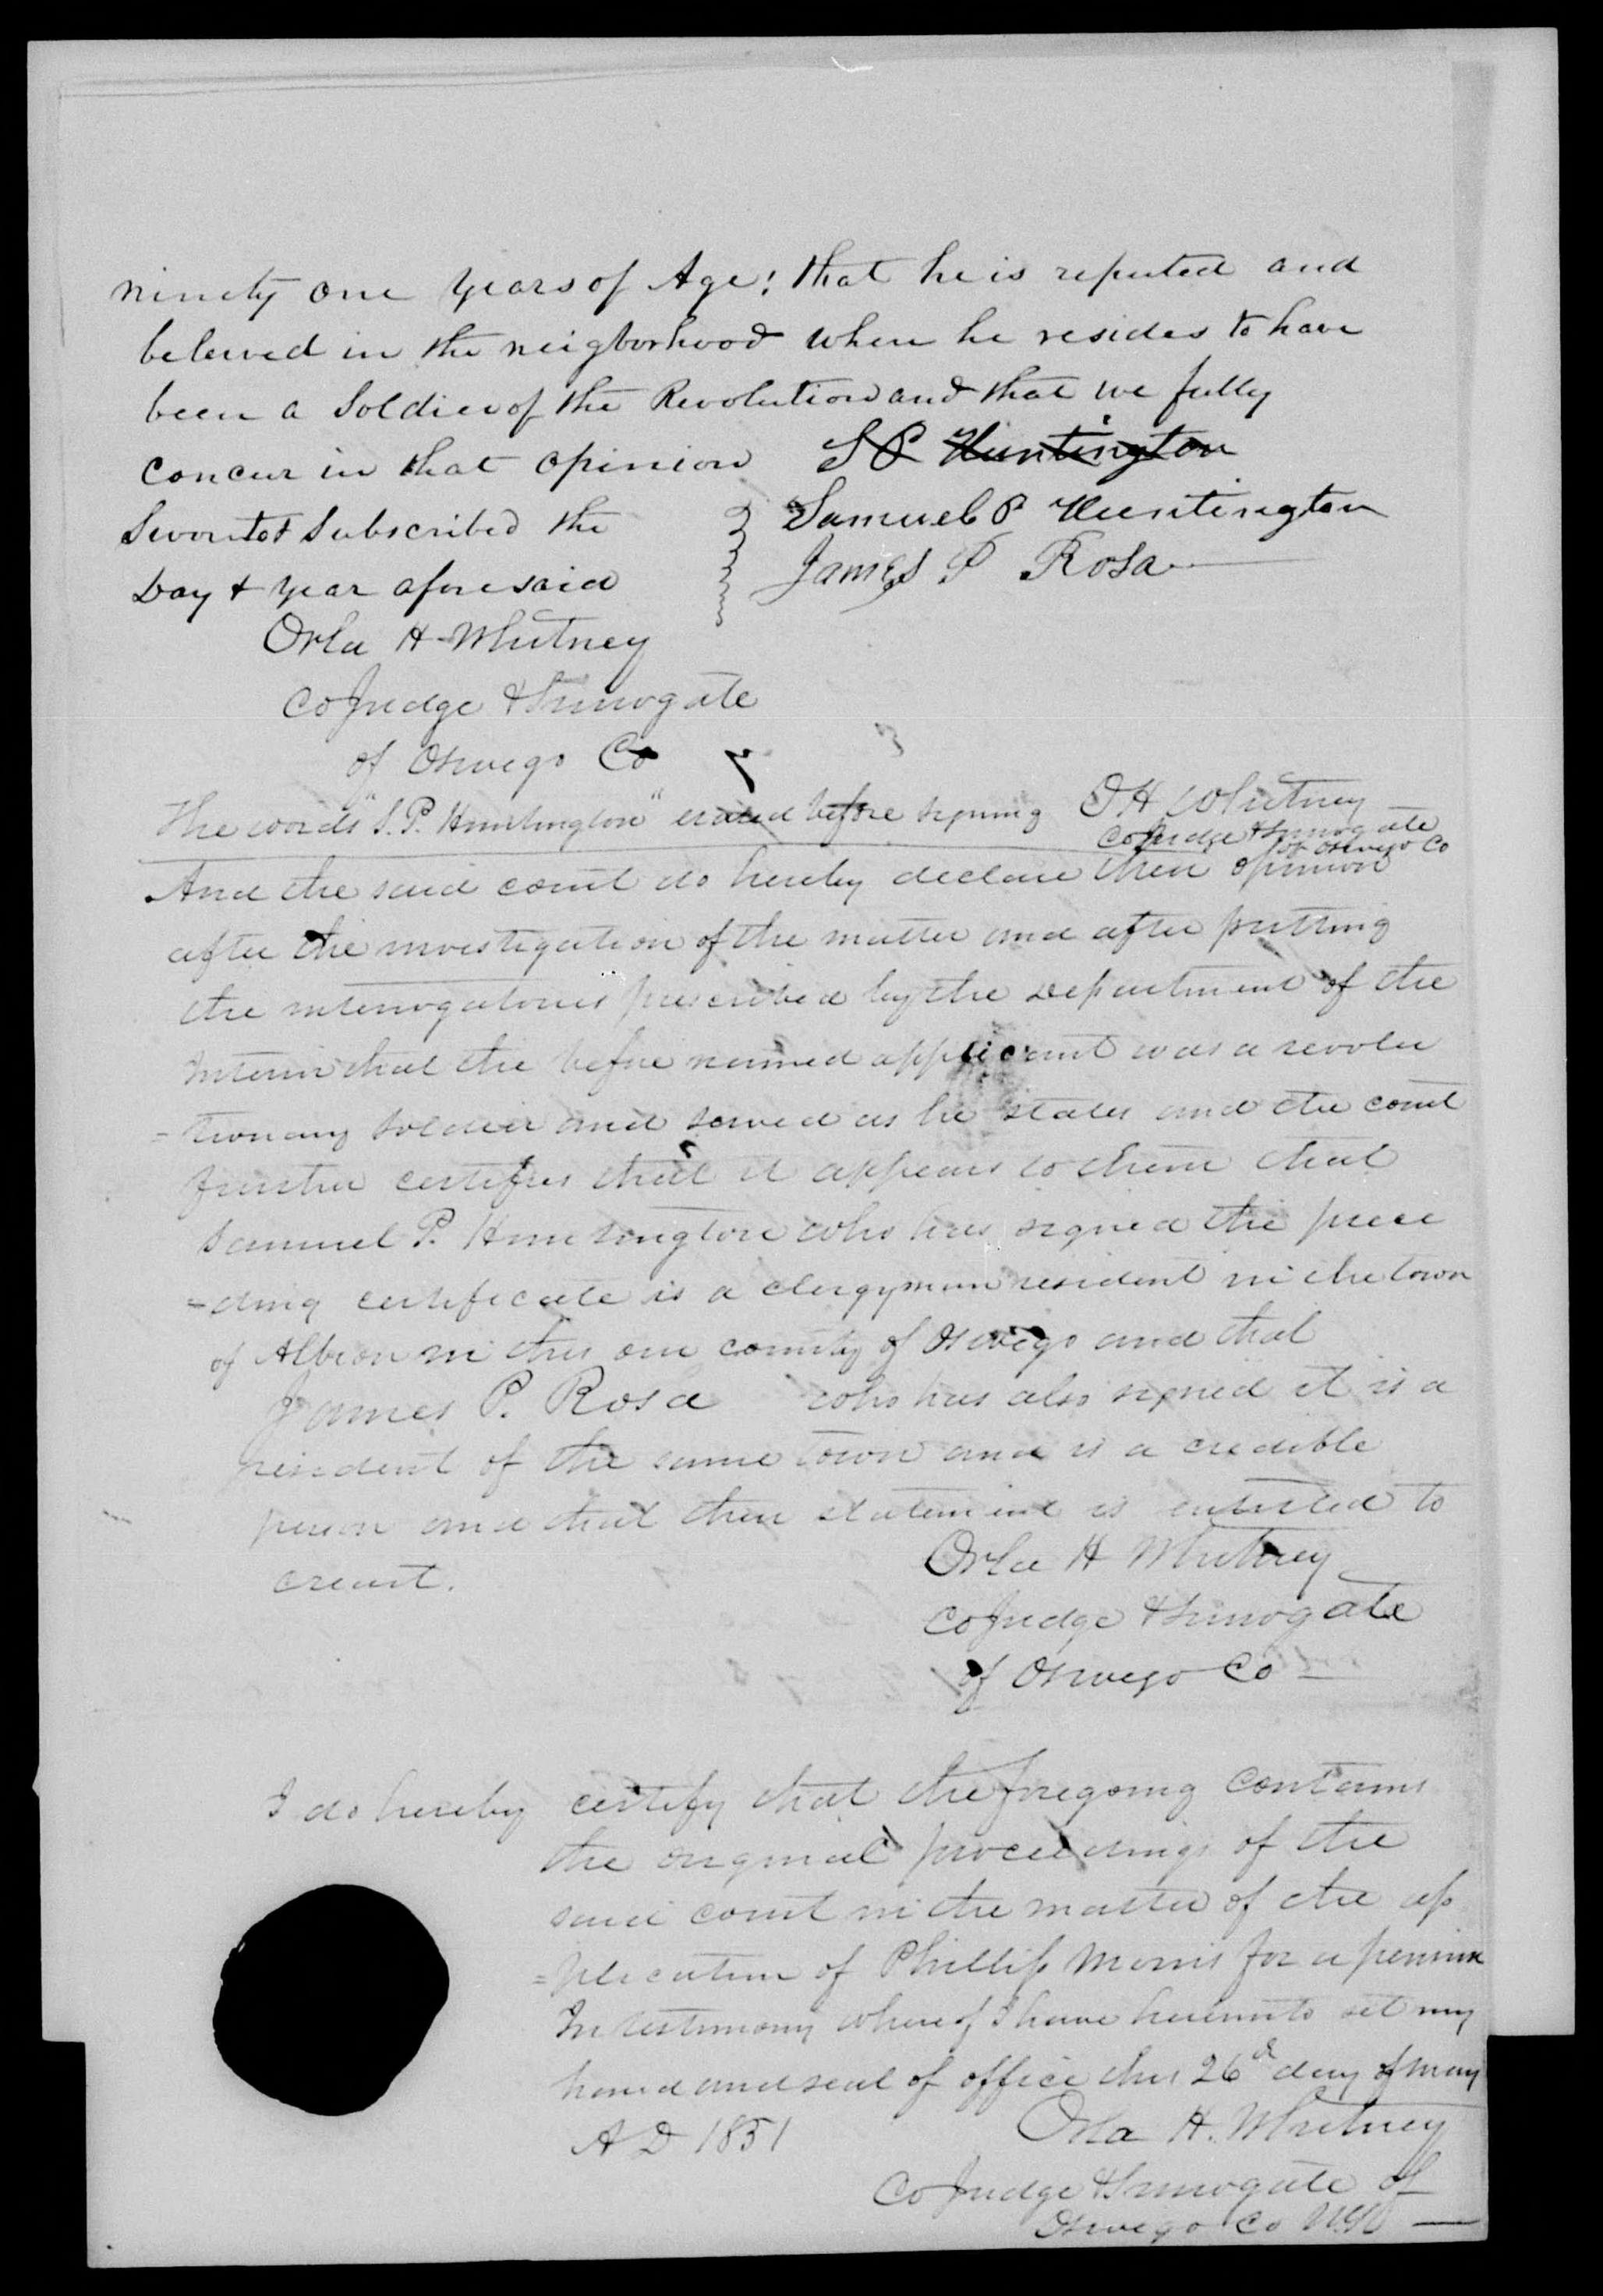ninety one years of Age: that he is reputed and believed in the neighborhood where he resides to have been a soldier of the Revolution and that we fully concur in that opinion.  (crossed out) SP Huntington

Hereto and Subscribed the Day and year [illegible]
Orla H Whitney
[illegible]
of Oswego Co
Samuel P Huntington
James P Rosa

The words S. P. Huntington wrote before [illegible}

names: Orla H Whitney; Samuel P Huntington; Phillip Morris; James P Rosa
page: 6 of 44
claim: survivor's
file: S. 28,815, for Philip Morris, Rhode Island